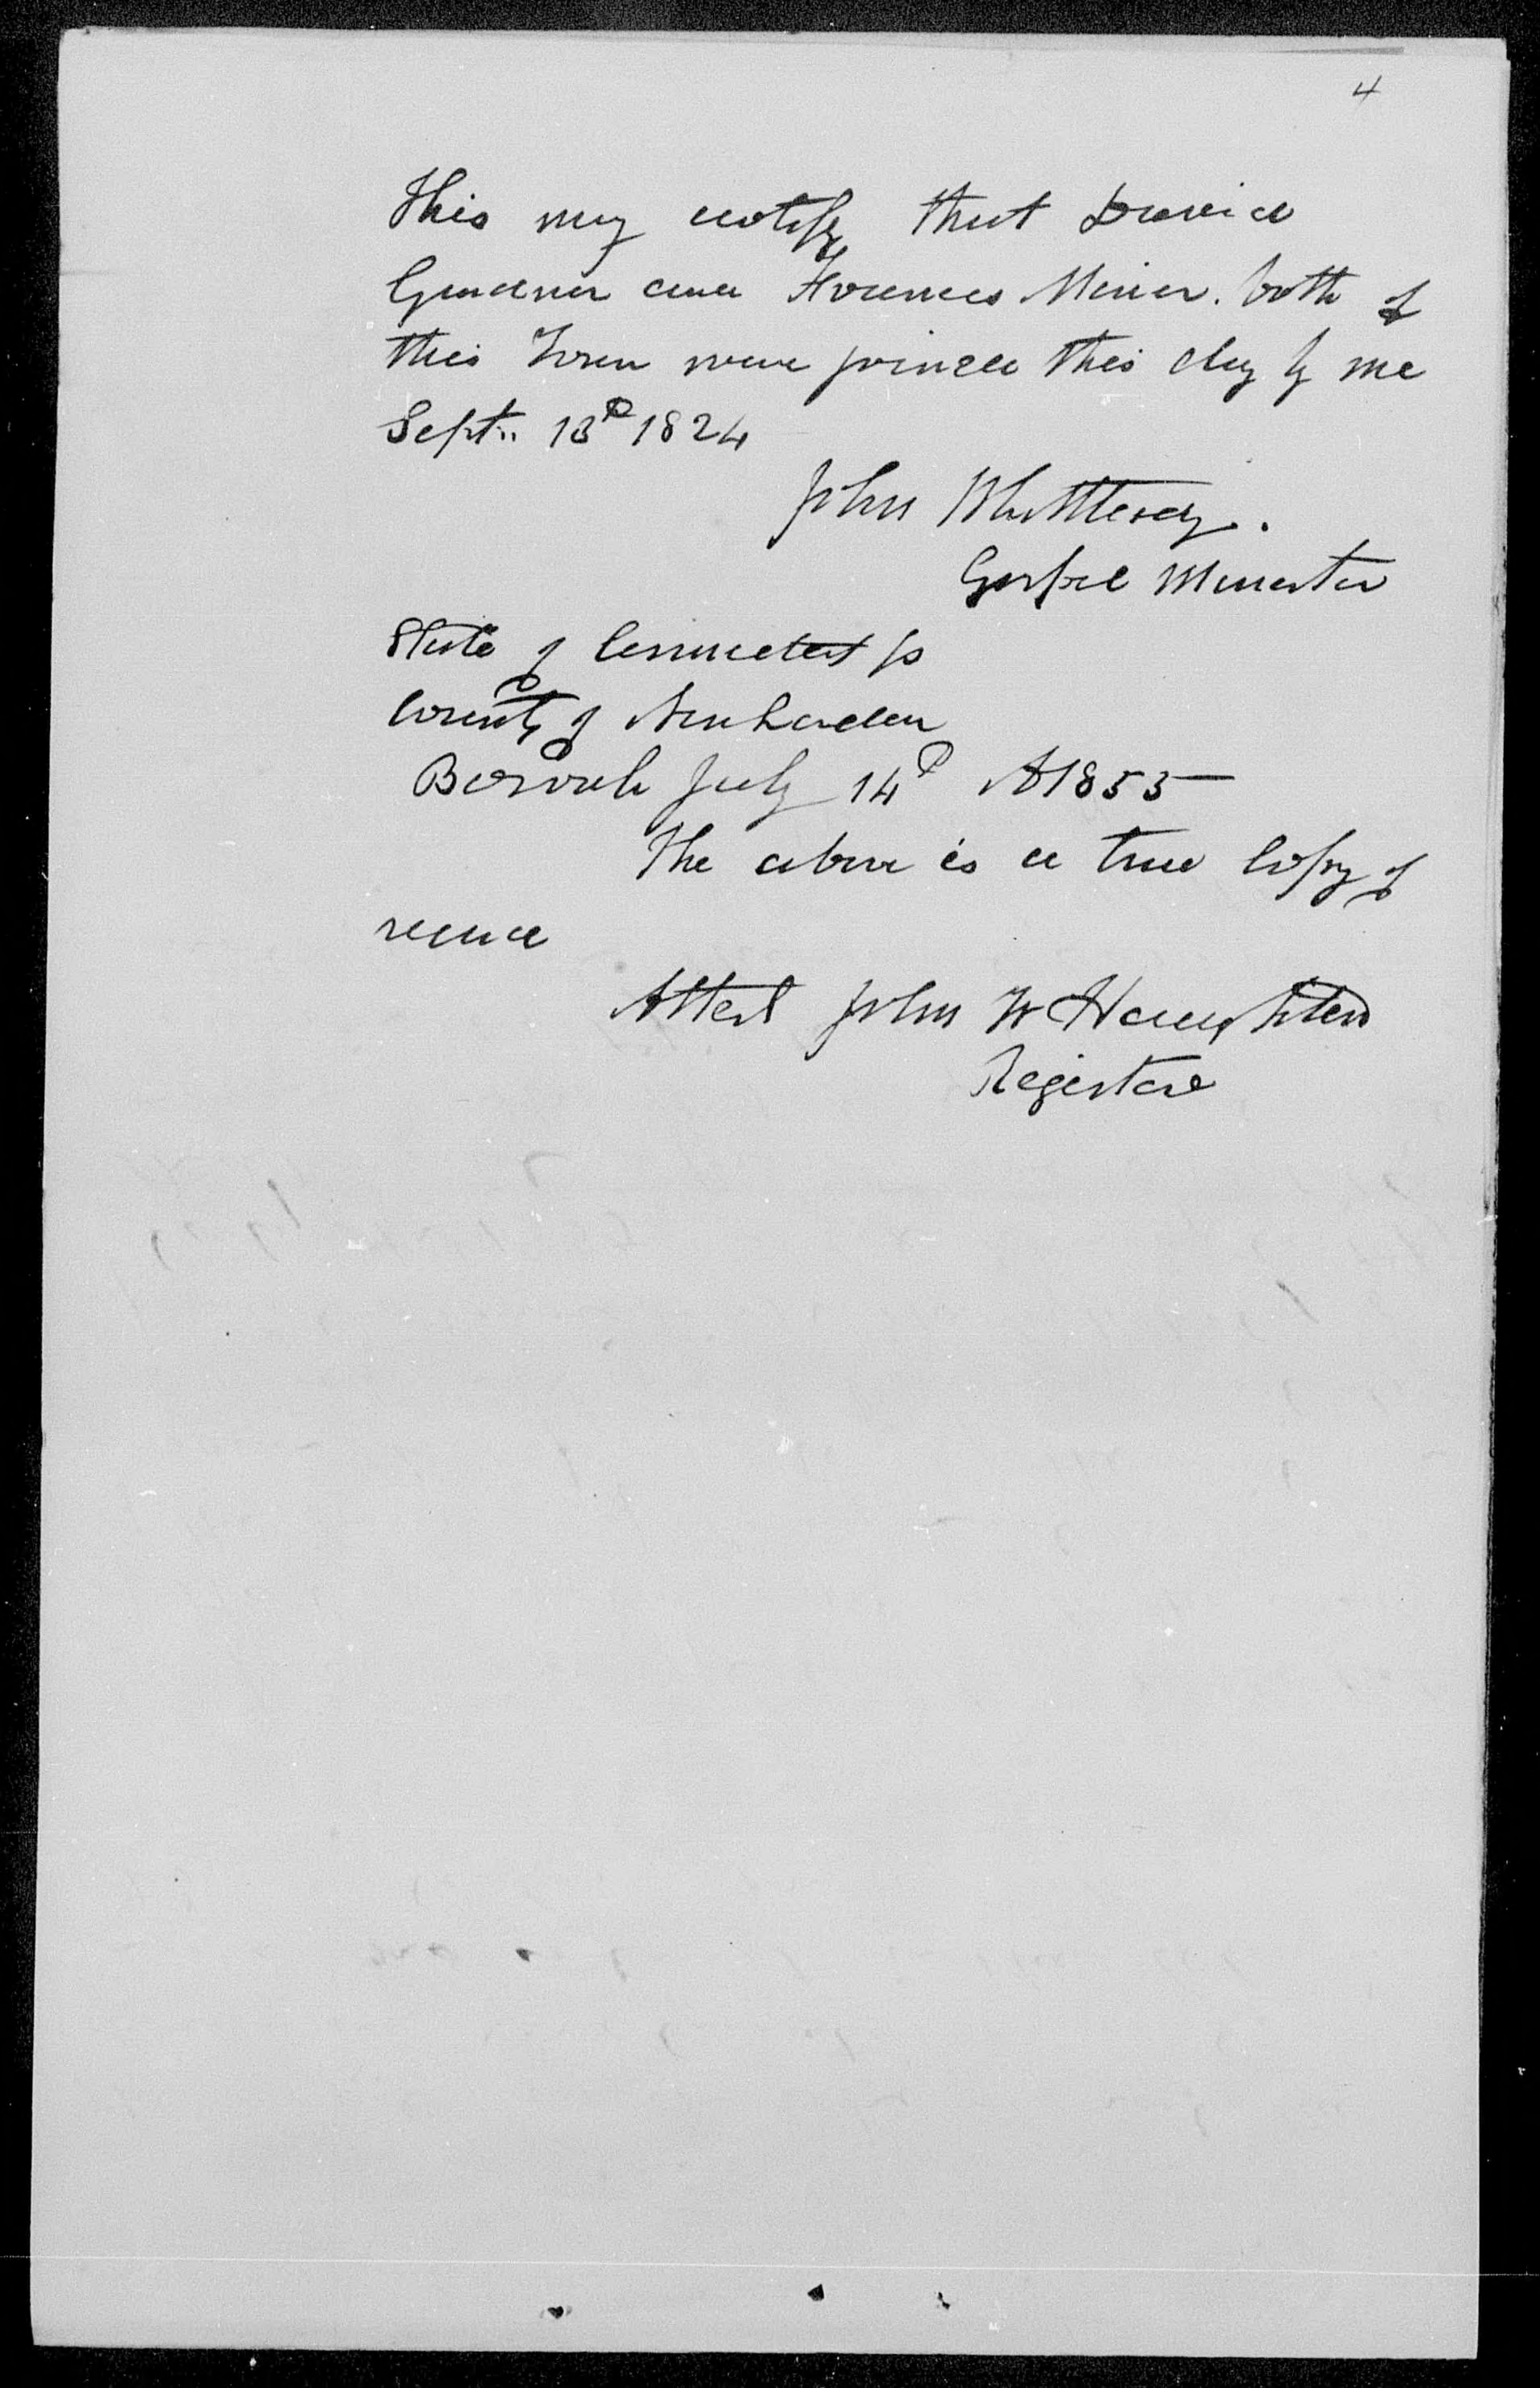4
This may certify that David Gardner and Frances Miner both of this town were joined this day by me.
Sept 13th 1824
John Whittlesey
Gospel Minister


State of Connecticut ss
County of New London
Bosrah July 14th AD 1853
The above is a true copy of record.
Attest John W. Haughton
Registar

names: John Whittlesey, Francis Miner, David Gardner, John W Haughton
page: 15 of 66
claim: widow's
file: W 1850, David Gardner, Conn.